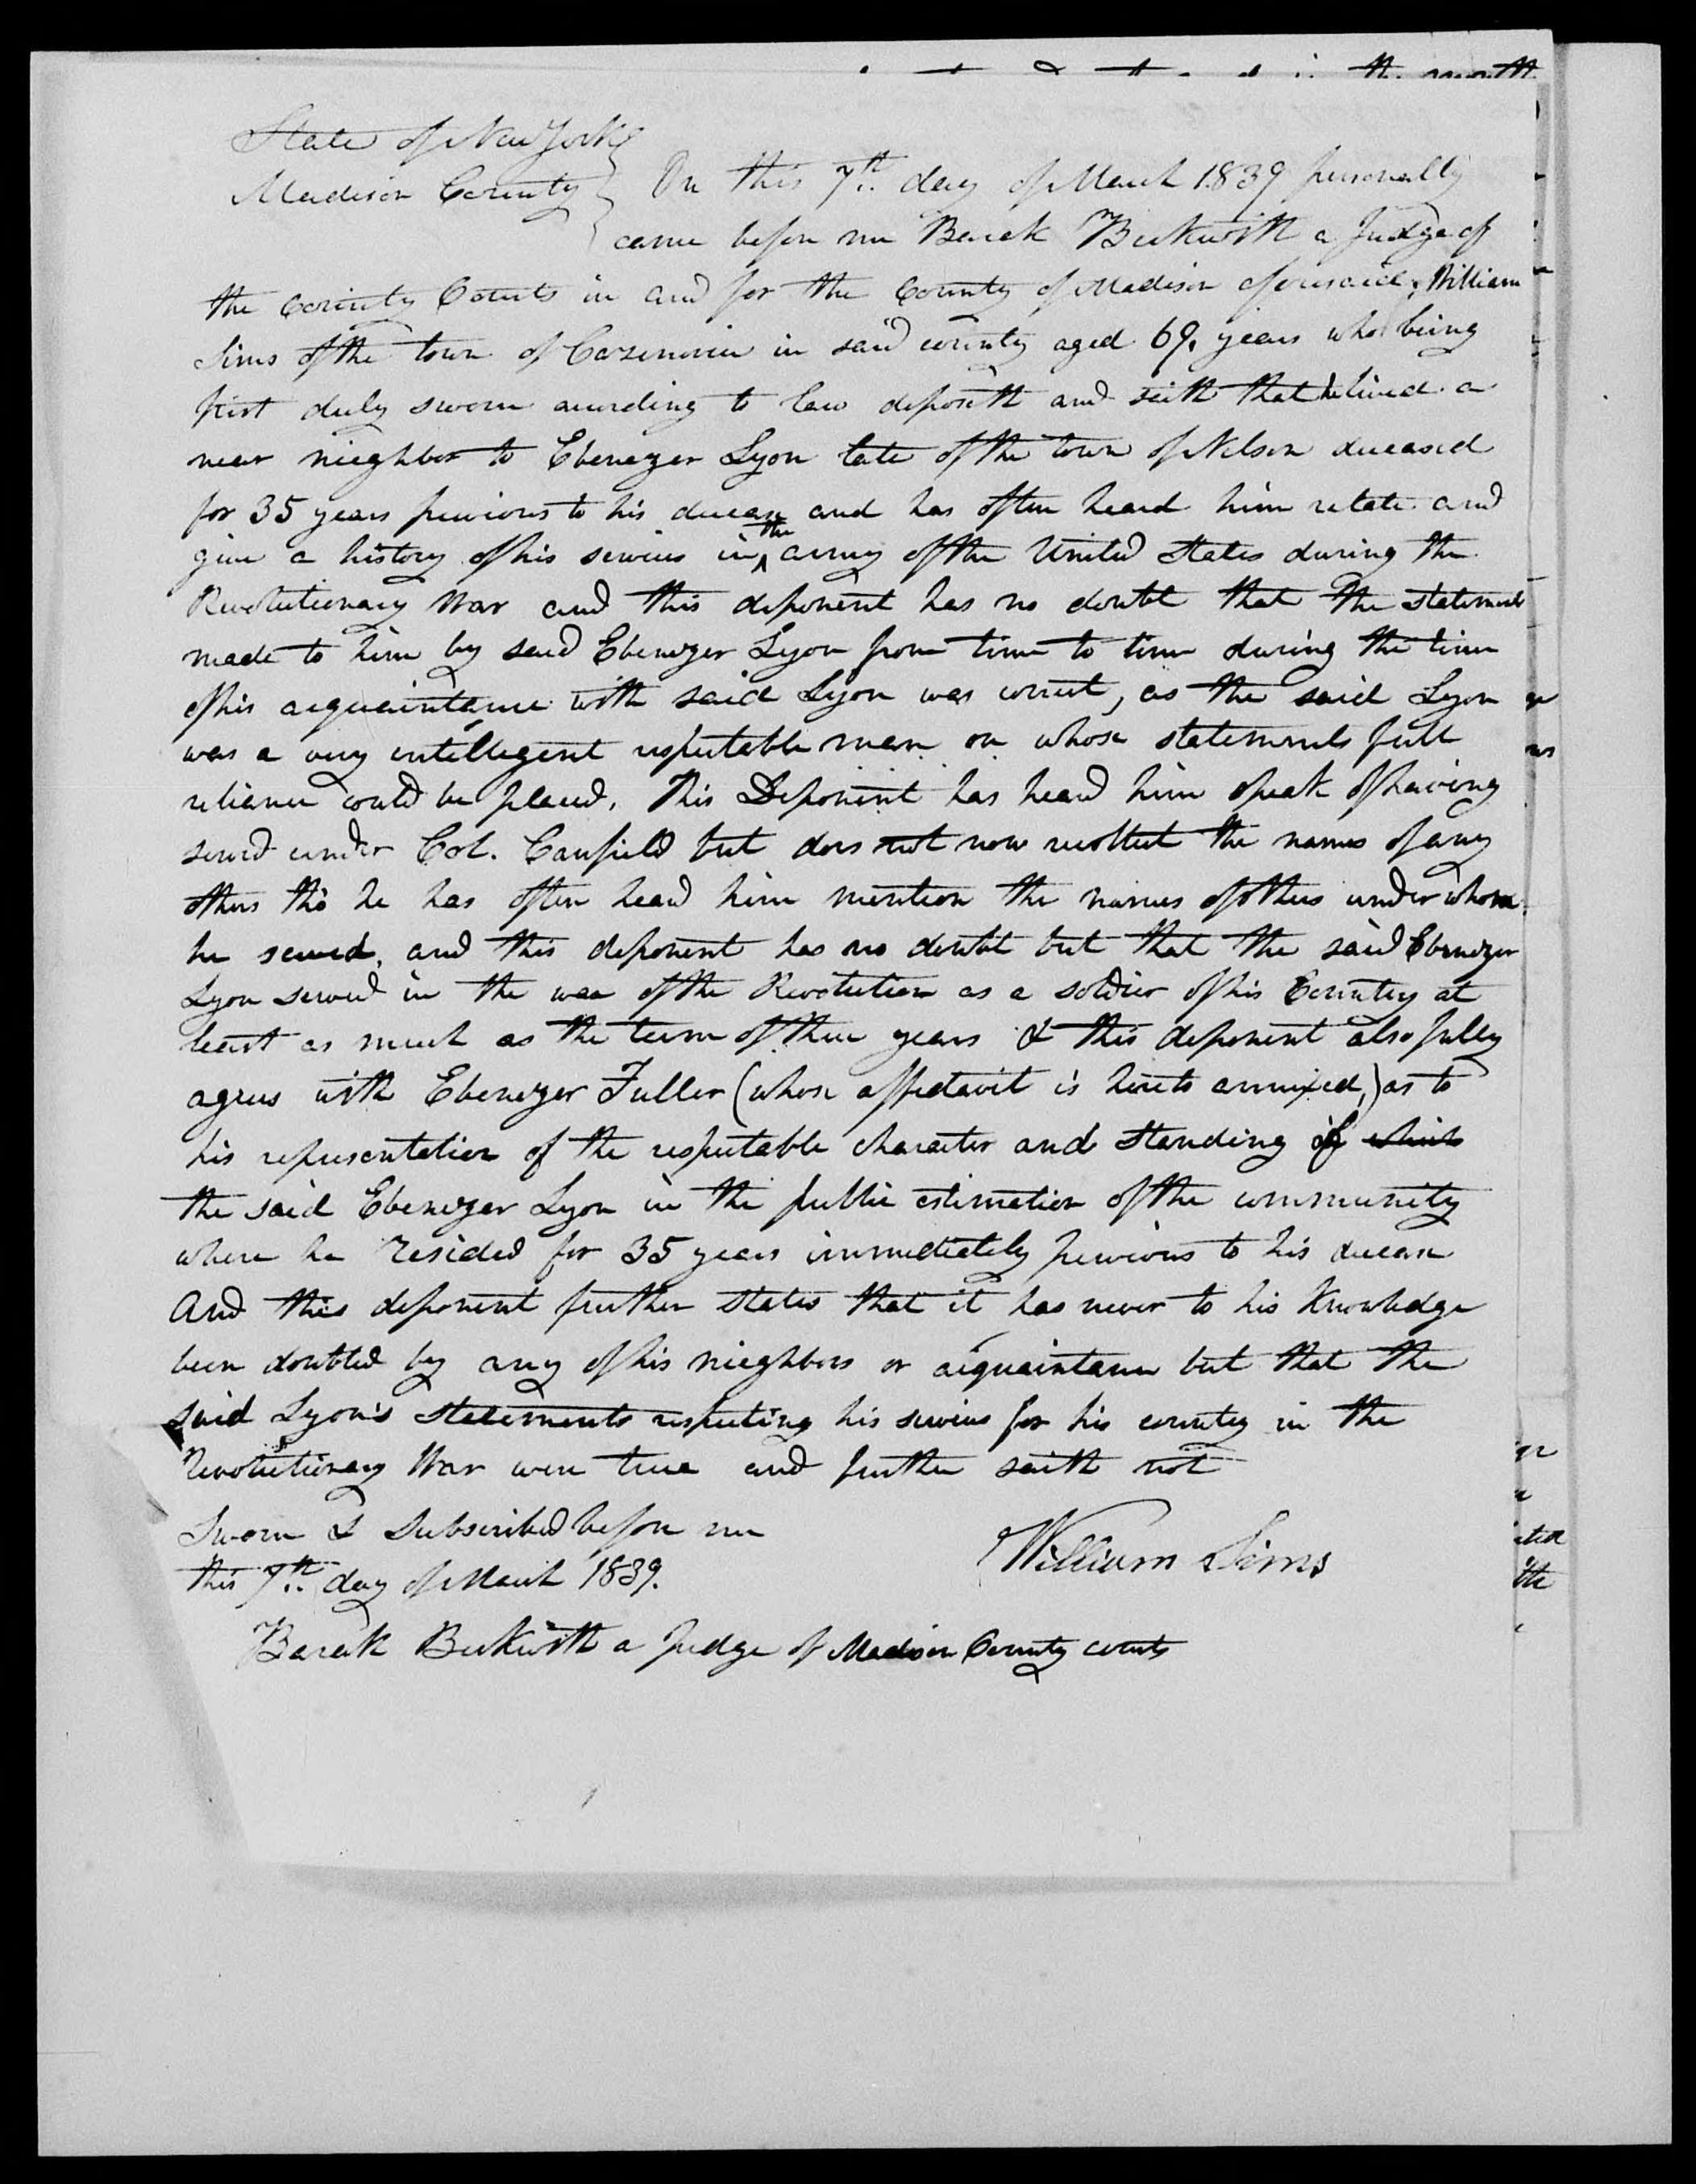State of New York
Madison County On this 7th day of March 1839 personally came before me Barak Beckwith a Judge of the County Courts in & for the county of Madison aforesaid, William Sims of the town of Cazenovia in said county aged 69 years who being first duly sworn according to law deposeth and saith that he lived a near neighbor to Ebenezer Lyon late of the town of Nelson deceased for 35 years previous to his decease and has often heard him relate and give a history of his services in the army of the United States during the Revolutionary War and this deponent has no doubt that the statements made to him by said Ebenezer Lyon from time to time during the time of his acquaintance with said Lyon was correct, as the said Lyon was a very intelligent reputable man on whose statements full reliance could be placed, This Deponent has heard him speak of having served under Col. Canfield but does not now recollect the names of any others tho' he has often heard him mention the names of others under whom he served, and this deponent has no doubt but that the said Ebenezer Lyon served in the war of the Revolution as a soldier of his Country at least as much as the term of three years & this deponent also fully agrees with Ebenezer Fuller (whose affidavit is hereto annexed,) as to his representation of the respectable character and standing of the said Ebenezer Lyon in the public estimation of the community where he resided for 35 years immediately previous to his decease And this deponent further states that it has never to his knowledge been doubted by any of his neighbors or acquaintances but that the said Lyon's statements respecting his service for his country in the Revolutionary War were true and further saith not
William Sims [Signature]

Sworn & subscribed before me this 7th day of March 1839.
Barak Beckwith a Judge of Madison County Courts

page: 11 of 40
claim: widow's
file: W. 24,615, for Ebenezer Lyon, Connecticut